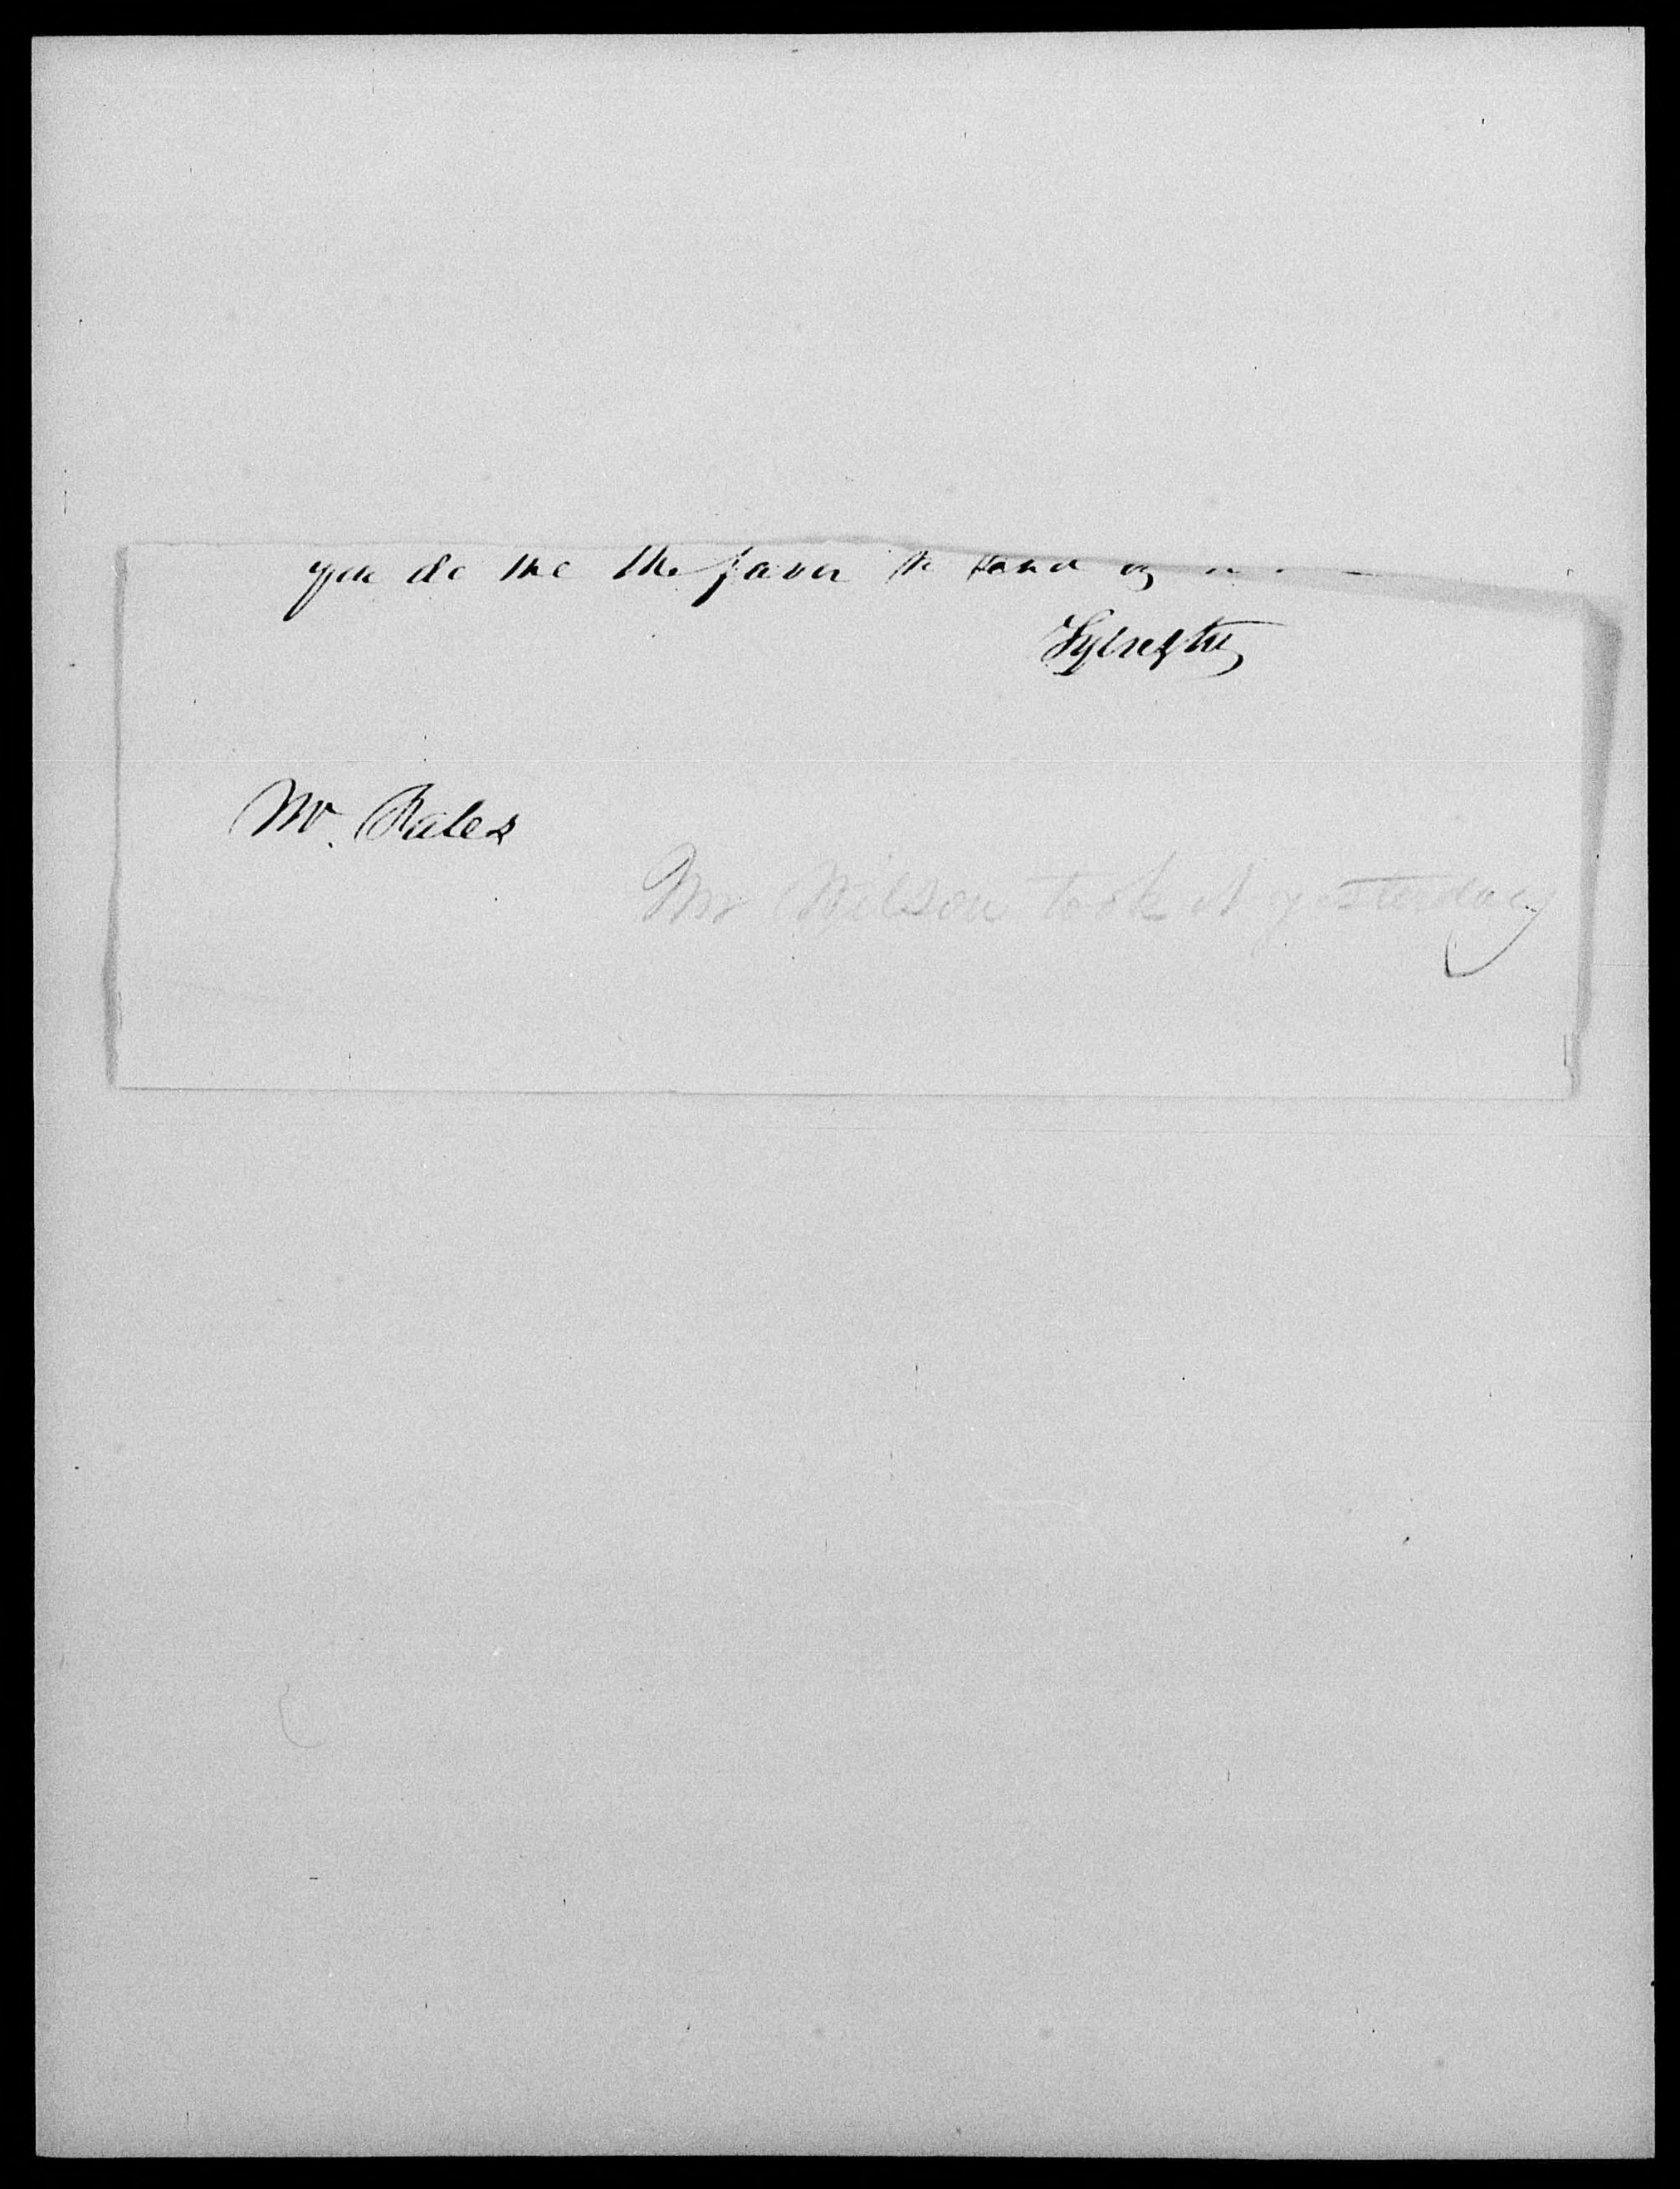you do the favor [illegible]

[illegible]

Mr. Fales

Mr. Wilson took off yesterday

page: 28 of 86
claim: widow's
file: W. 3571, for David Marshall, Pennsylvania